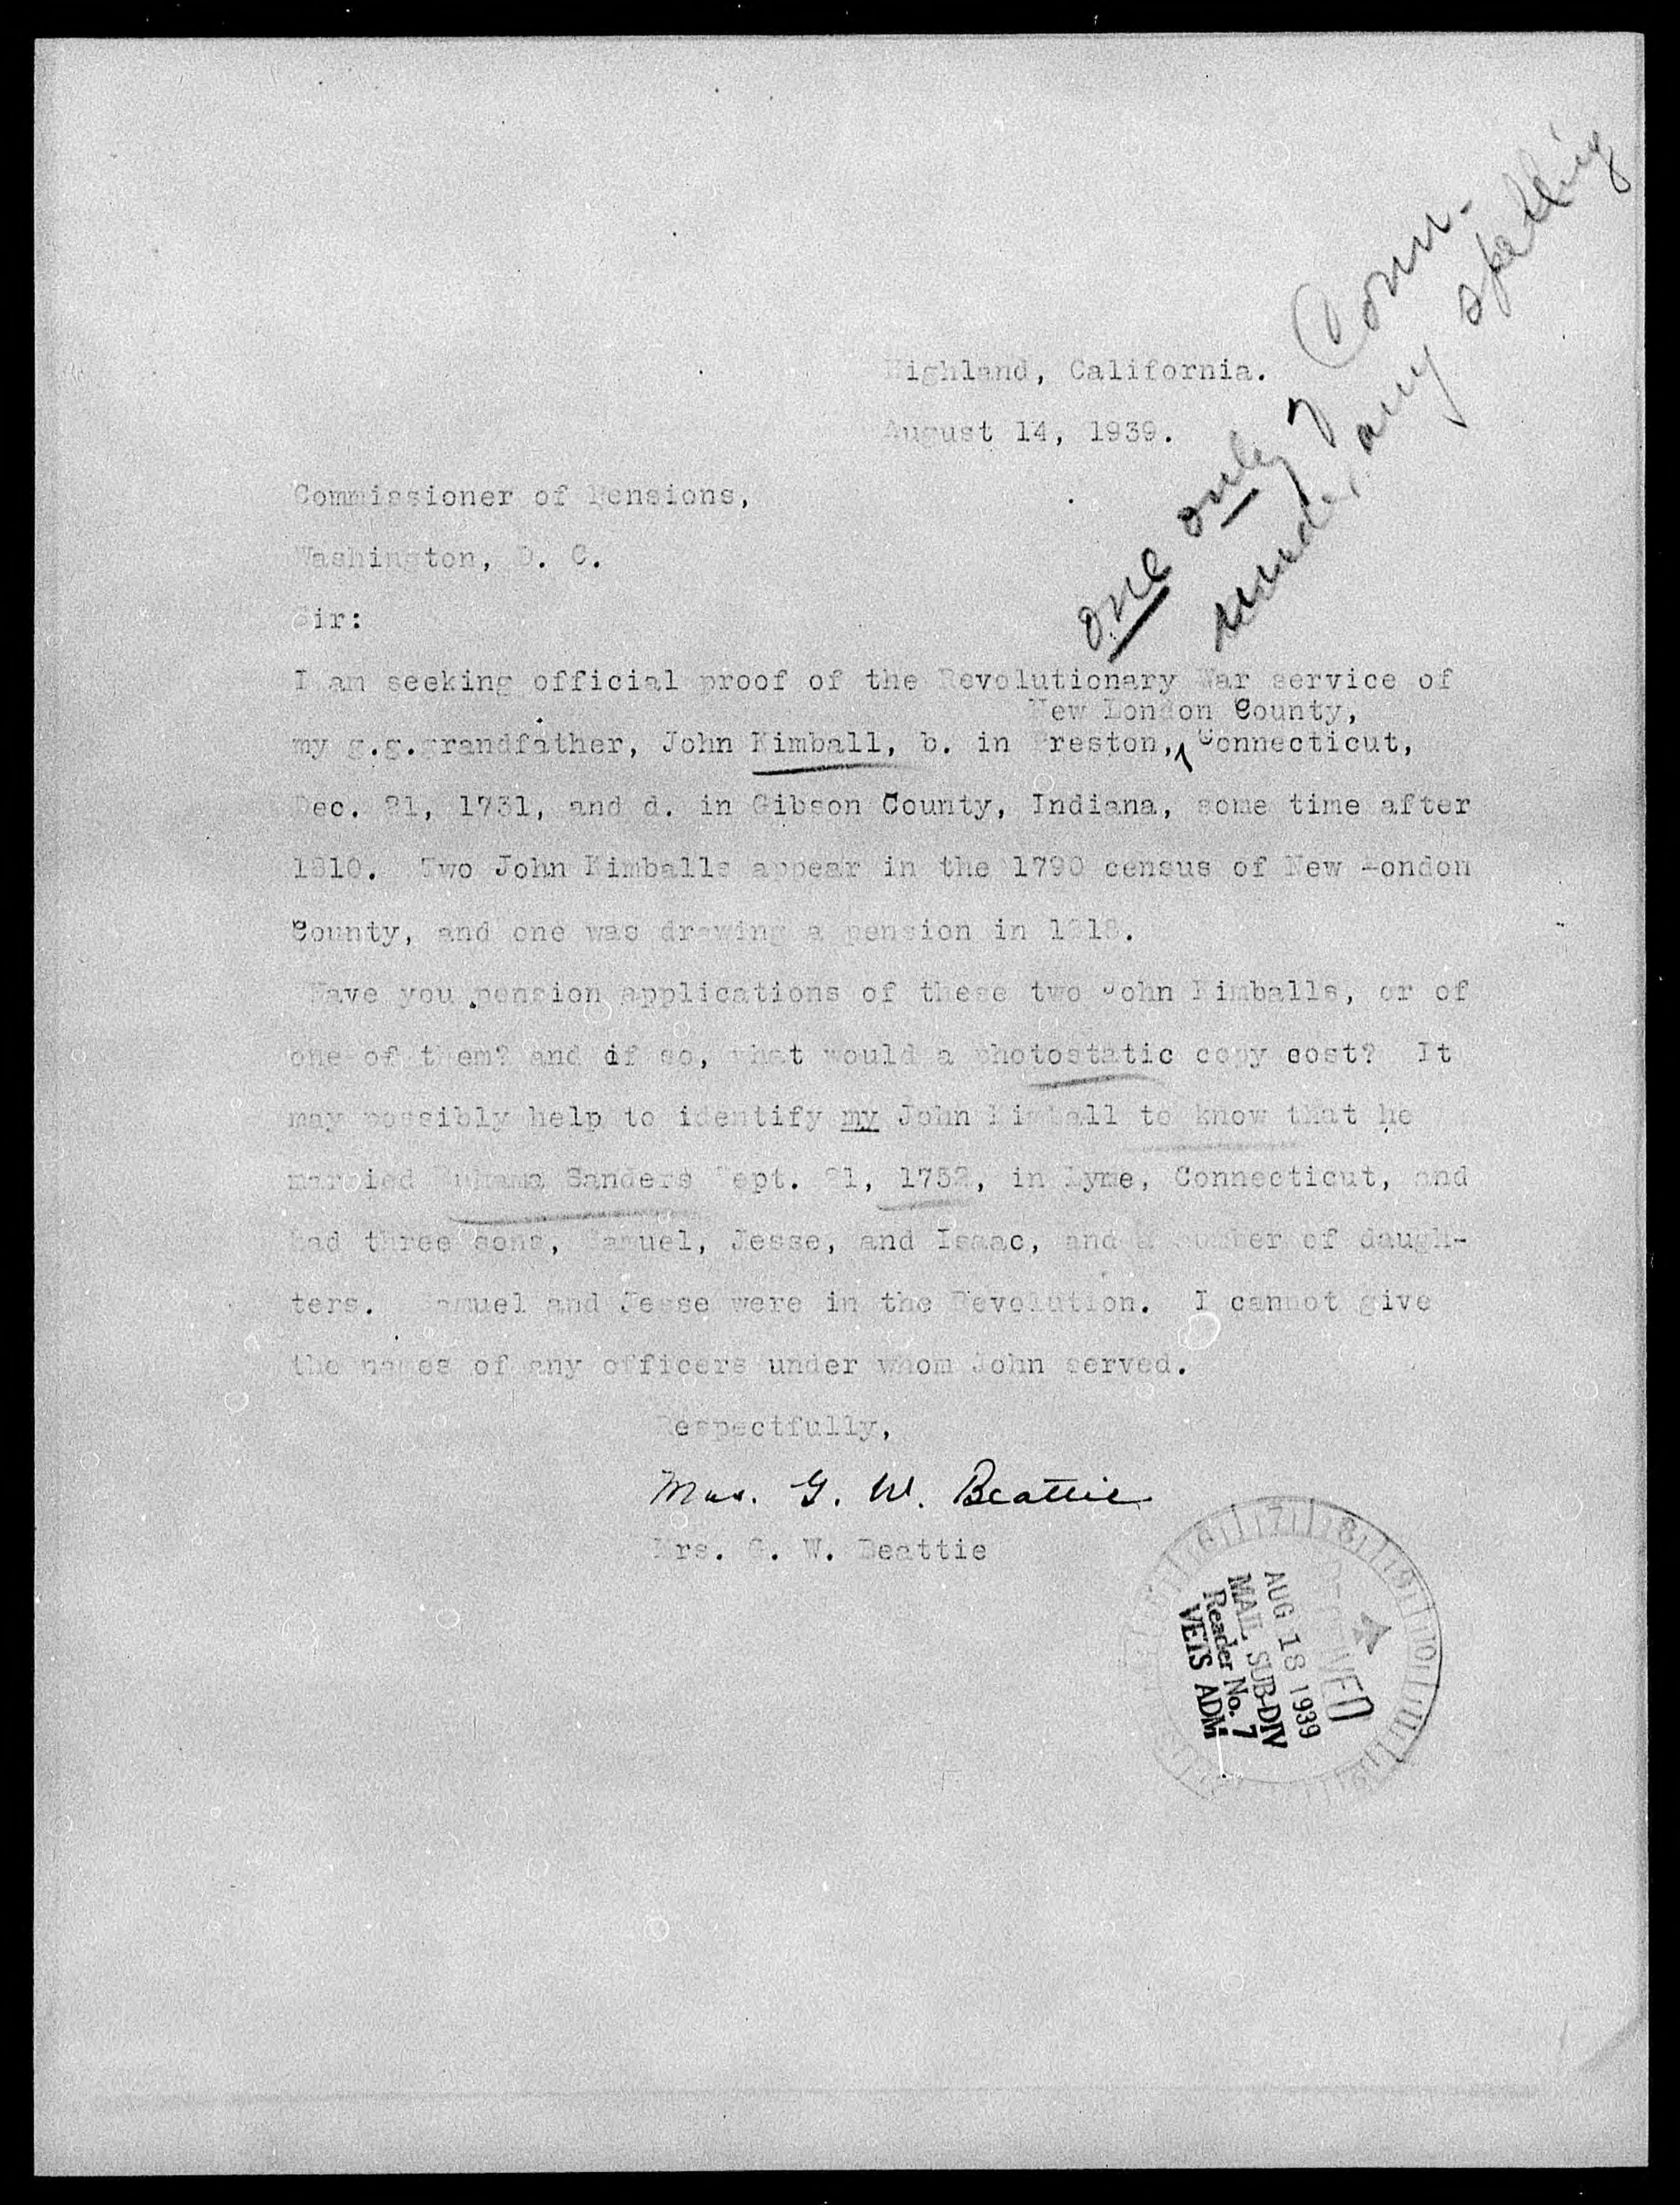[written diagonally across top right] one only [underlined] of Conn - under any spelling

Highland, California.
August 14, 1939.

Commissioner of Pensions,
Washington, D. C.
Sir:
I am seeking official proof of the Revolutionary War service of my g. g. grandfather, John Kimball, b. in Preston, New London County, Connecticut, Dec. 21, 1731, and d. in Gibson County, Indiana, some time after 1810. Two John Kimballs appear in the 1790 census of New London County, and one was drawing a pension in 1818.
Have you pension applications of these two John Kimballs, or of one of them? and if so, what would a photostatic copy cost? It may possibly help to identify my [underlined] John Kimball to know that he married Ruhama Sanders Sept. 21, 1752, in Lyme, Connecticut, and had three sons, Samuel, Jesse, and Isaac, and a number of daughters. Samuel and Jesse were in the Revolution. I cannot give the names of any officers under whom John served.
Respectfully,
Mrs. G. W. Beattie [signature]
Mrs. G. W. Beattie

[circle stamp with numbers 1 through 12 around the rim] Received Aug 18 1939 Mail Sub-Div Reader No. 7 Vets Adm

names: G W Beattie; John Kimball; Isaac [BLANK]; Jesse [BLANK]; Samuel [BLANK]; Ruhama Sanders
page: 35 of 36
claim: survivor's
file: S. 42,792, for John Kimball, Connecticut